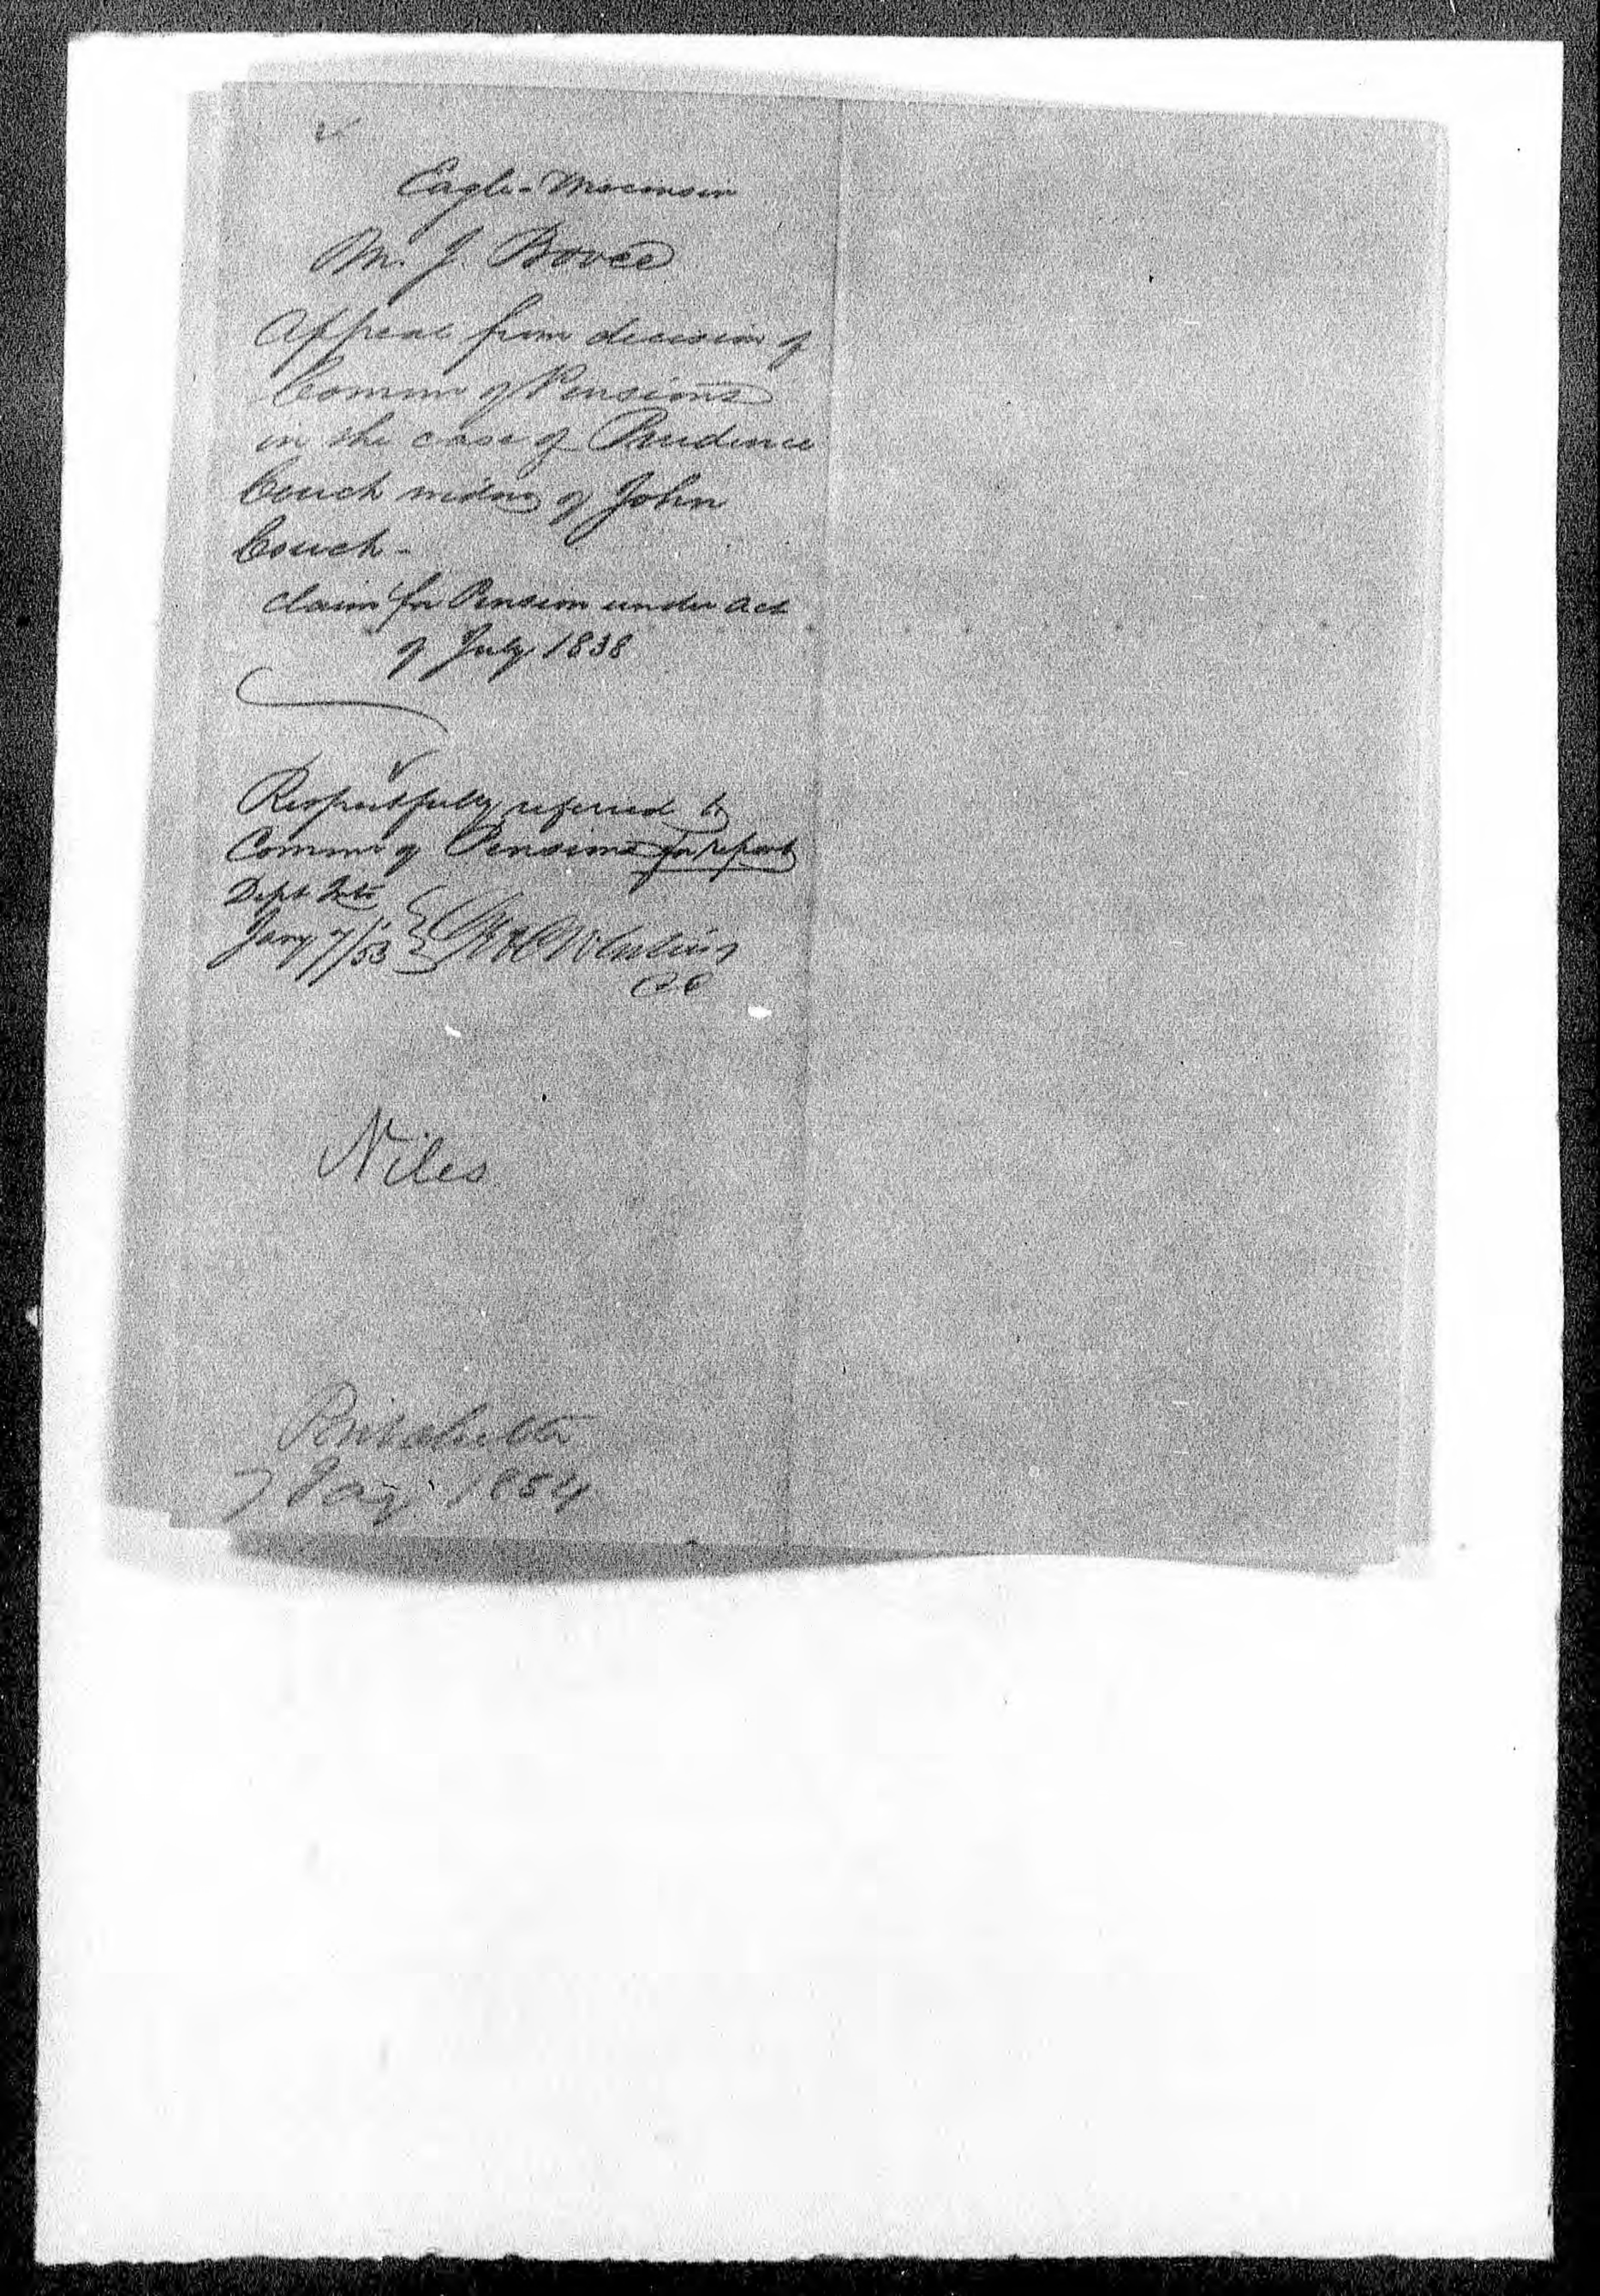Eagle Wisconsin
M.J. Bovee
Appeal from decision of Comm of Pensions in the case of Prudence Couch widow of John Couch-
claim for Pension under act of July 1838
Respectfully referred by Commr of Pensions for report
Dept. Into
Jany 7 /'53
Geo Whiting
Niles
[illegible]
7 Jay 1854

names: Prudence Couch, John Couch, J Bovee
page: 42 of 68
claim: rejected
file: R. 2,360, John Couch, Conn.